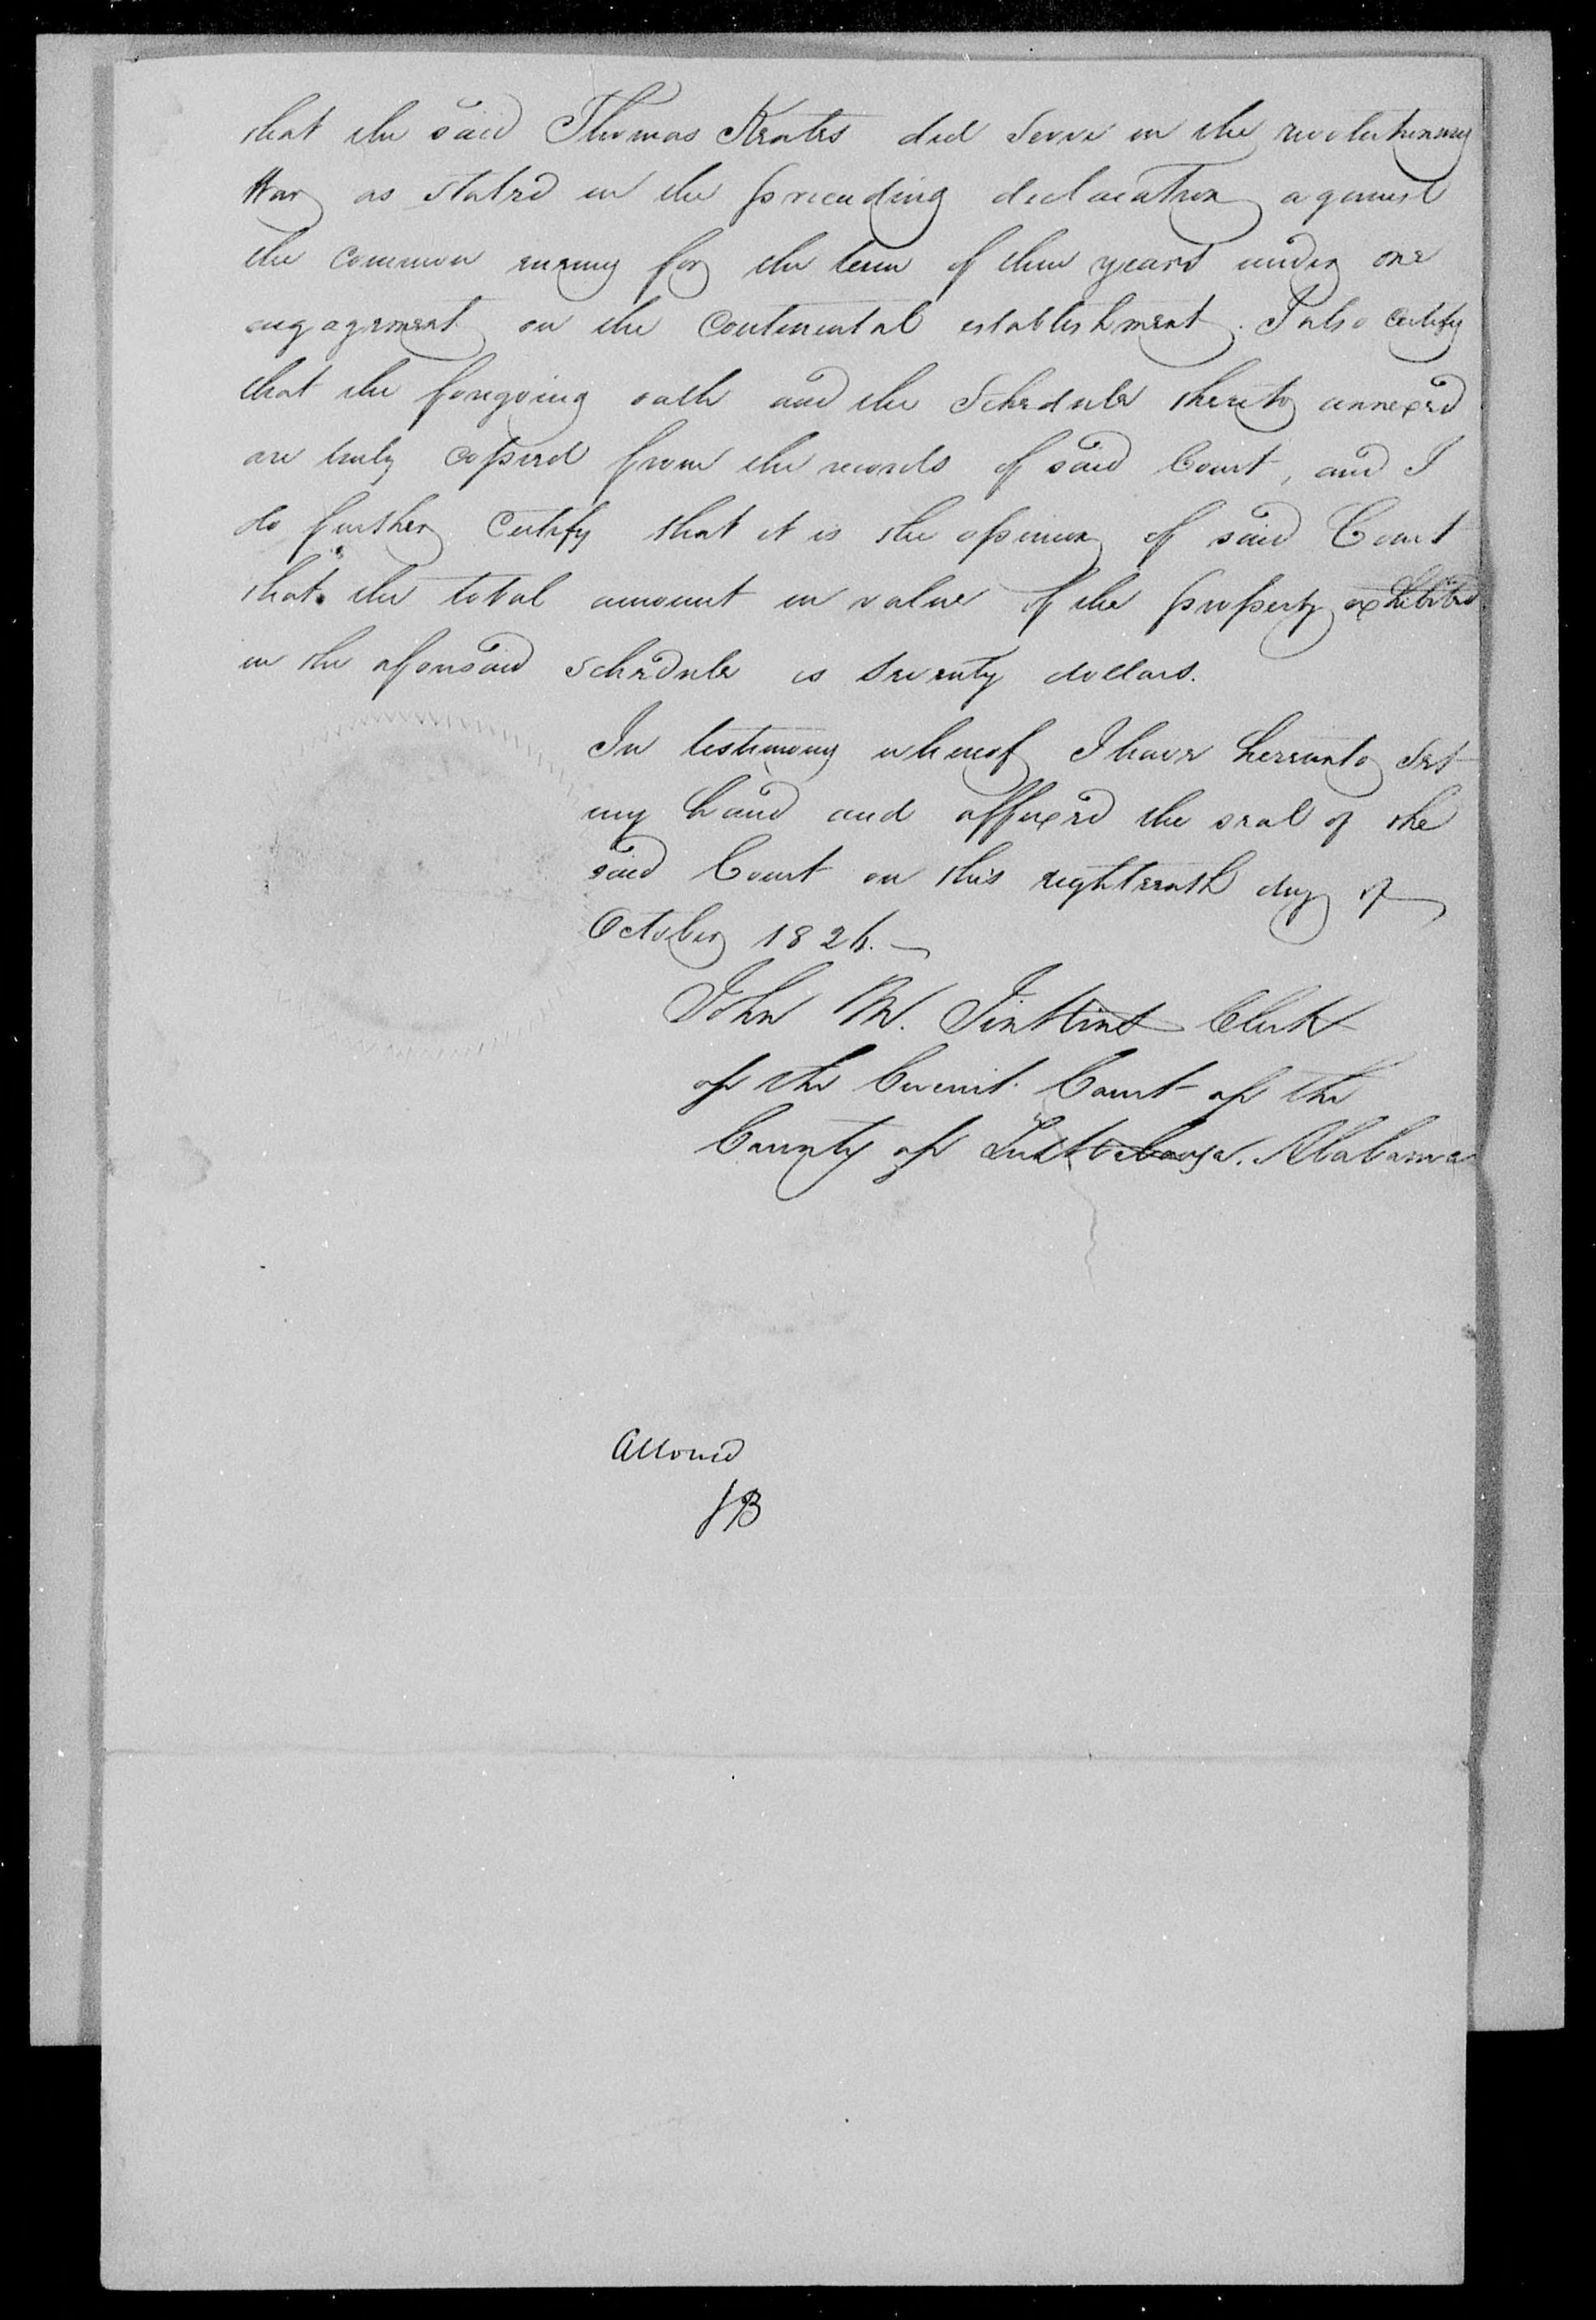that the said Thomas Keates did serve in the revolutionary
was as stated in the preceding declaration against
the common enemy for the term of three years [illegible] one engagement on the Continental establishment.  I also certify that the foregoing oath and the Schedule thereto annexed are truly copied from the records of said Court, and I do further certify that it is the opinion of said Court
that the total amount in value of the property exhibited
in the aforesaid schedule is seventy dollars.
In testimony whereof I have hereunto set
my hand and affixed the seal of the
said Court on this eighteenth day of
October 1826.
John W. {illegible]  Clerk
of the Circuit Court of the
County of [illegible]  Alabama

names: John M Jenkins; Thomas Keates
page: 8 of 25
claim: survivor's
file: S. 38109, for Thomas Keates, Maryland